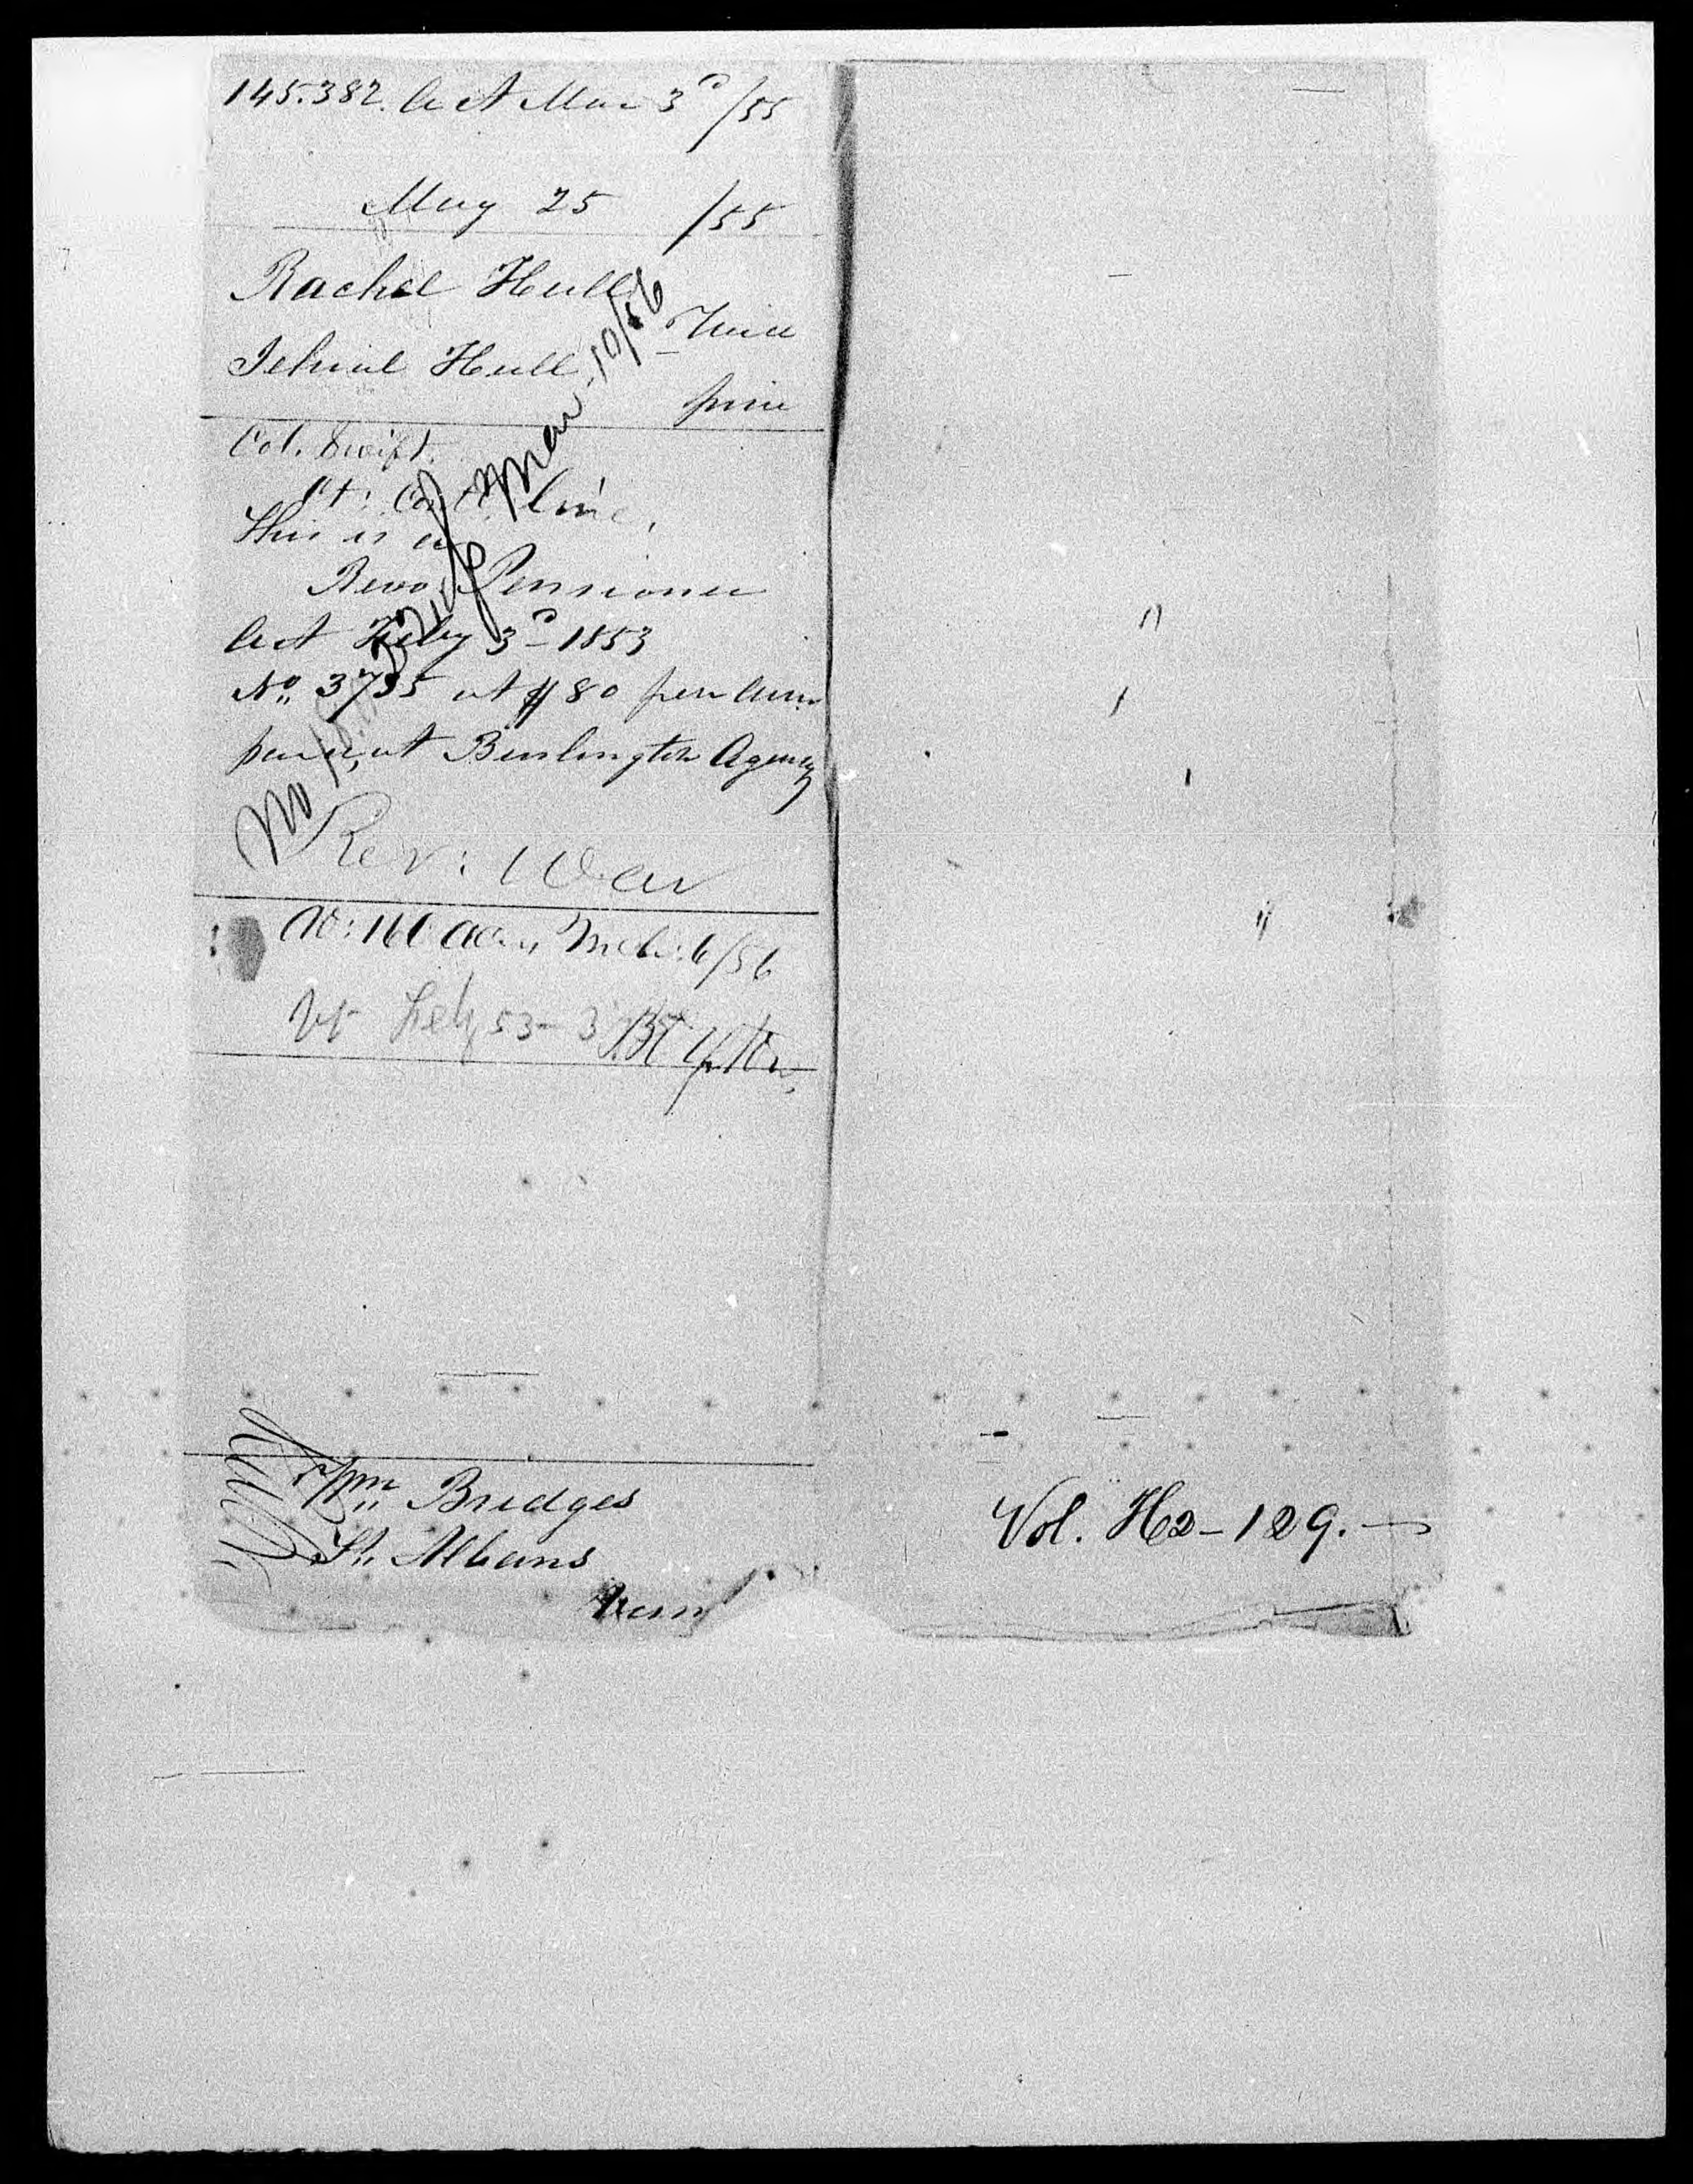145.382 Act Mar 3@/55
May 25/55
Rachel Hull
Jehiel Hull Twice price
Col. Swift
Ct Cont. line.
This is a Rev Pensioner
at July 3@1853
so 3735 at $80 jen cures
paid at Burlington Agency
REv: War
AO: 160 acres Me 6/56
Vt Lhz 53-3:35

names: Jehial Hull, Wm Bridges, Swift, Rachel Hull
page: 3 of 58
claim: widow's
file: W. 25813, Jehiel Hull, Conn.